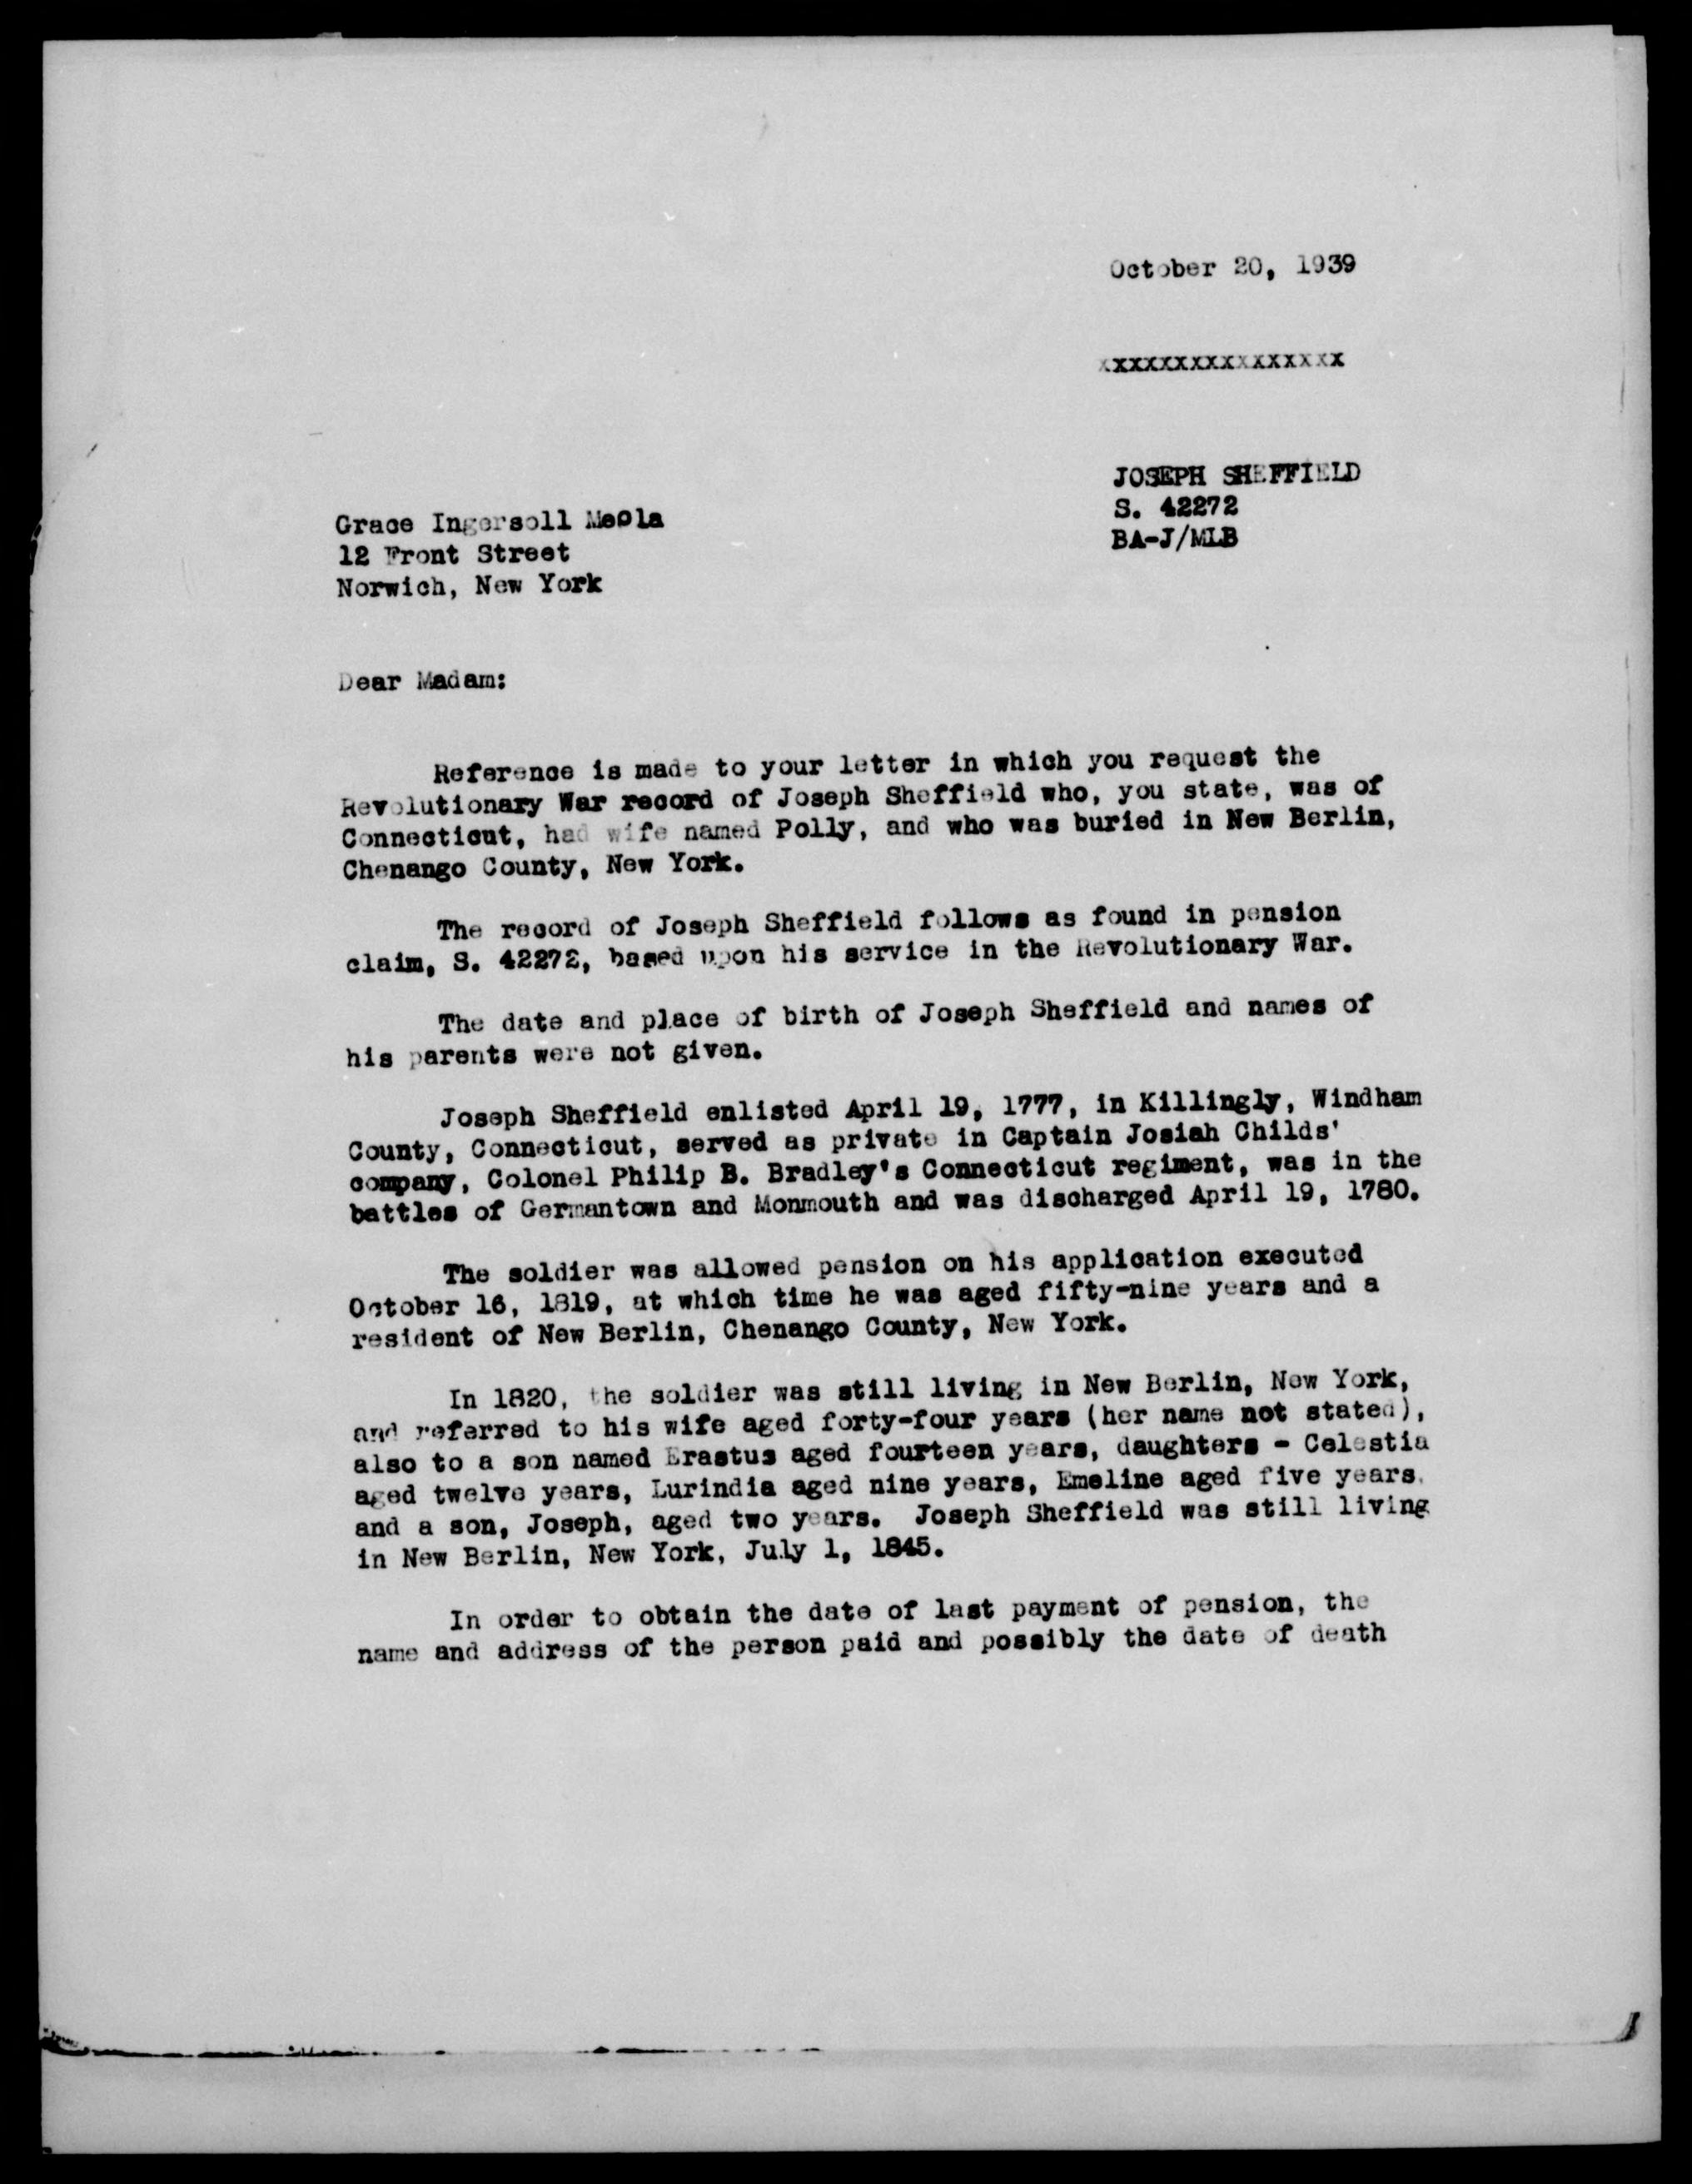October 20, 1939
XXXXXXXXXXXXXXXX
JOSEPH SHEFFIELD
S. 42272
BA-J/MLB

Grace Ingersoll Meola
12 Front Street
Norwich, New York
Dear Madam:

Reference is made to your letter in which you request the
Revolutionary War record of Joseph Sheffield who, you state, was of
Connecticut, had wife named Polly, and who was buried in New Berlin,
Chenango County, New York.

The record of Joseph Sheffield follows as found in pension
claim, S. 42272, based upon his service in the Revolutionary War.

The date and place of birth of Joseph Sheffield and names of
his parents were not given.

Joseph Sheffield enlisted April 19, 1777, in Killingly, Windham
County, Connecticut, served as private in Captain Josiah Childs'
company, Colonel Philip B. Bradley's Connecticut regiment, was in the
battles of Germantown and Monmouth and was discharged April 19, 1780.

The soldier was allowed pension on his application executed
October 16, 1819, at which time he was aged fifty-nine years and a
resident of New Berlin, Chenango County, New York.

In 1820, the soldier was still living in New Berlin, New York,
and referred to his wife aged forty-four years (her name not stated),
also to a son named Erastus aged fourteen years, daughters Celestia
aged twelve years, Lurindia aged nine years, Emeline aged five years.
and a son, Joseph, aged two years. Joseph Sheffield was still living in
New Berlin, New York, July 1, 1845.

In order to obtain the date of last payment of pension, the
name and address of the person paid and possibly the date of death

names: Joseph Sheffield; Erastus [BLANK]; Joseph Sheffield; Joseph Sheffield; Polly [BLANK]; Celestia [BLANK]; Lurindia [BLANK]; Emeline [BLANK]; Joseph Sheffield; Grace Ingersoll Meola; Joseph [BLANK]; Joseph Sheffield; Joseph Sheffield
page: 24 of 25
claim: survivor's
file: S. 42,272, for Joseph Sheffield, Connecticut